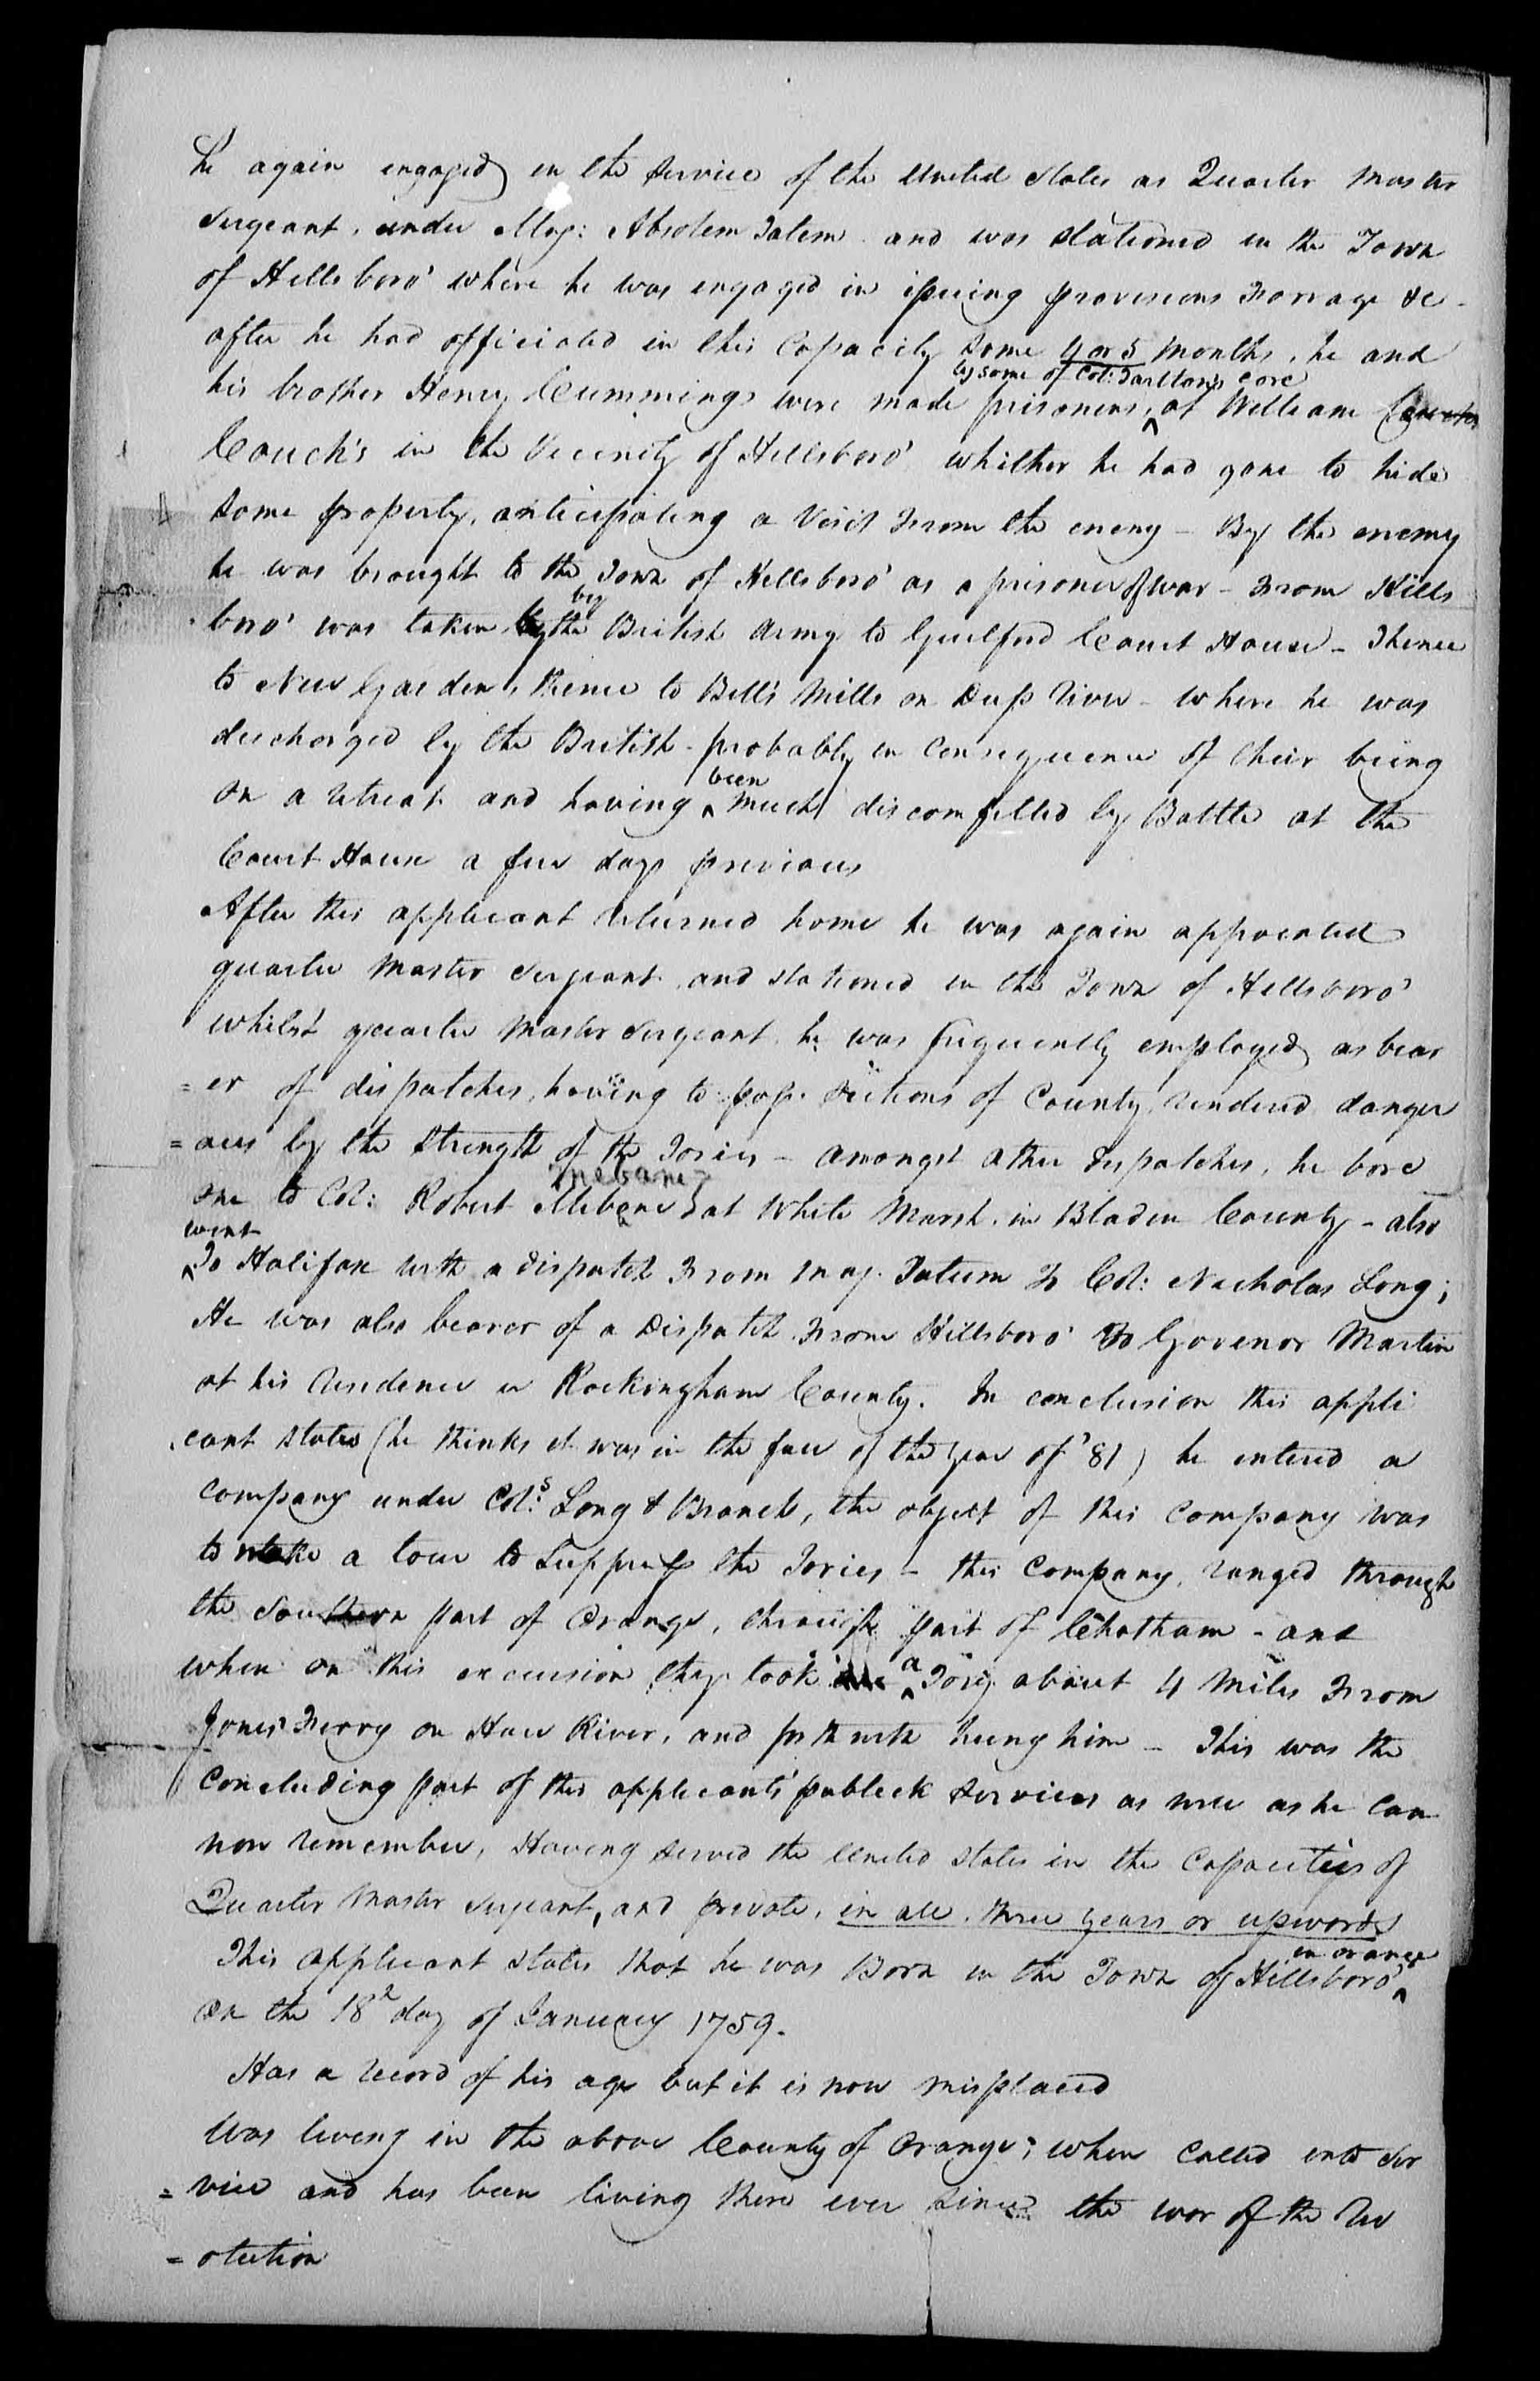[Handwritten record, continued.  Occasional spacing has been included to make the long text block easier to read.]

he again engaged in the Service of the United States as Quarter Master Sergeant, under Maj Absolem Tatem. And was stationed in the Town of Hillsboro' where he was engaged in issuing provisions Forrage &c.  after he had officiated in this Capacity some 4 or 5 months, he and his brother Henry Cummings were made prisoners by some of Col: Tarlton's core [corps] at William Couch's in the Vicinity of Hillsboro' whither he had gone to hide [here there is a "4" written near the left margin, along with what looks like a word, illegible] Some property, anticipating a raid From the enemy - By the enemy he was brought to the Town of Hillsboro' as a prisoner of War - 

From Hillsboro' was taken [here what looks like "By" was stricken through] ^by the British Army to Guilford Court House _ Thence to New Garden, thence to Bill's Mills on [?] Duss River [or Dup River] [probably meaning Bells Mill on Deep River] - where he was discharged by the British - probably in Consequence of their being on a retreat and having ^ been much discomfitted by Battle at the Court House a few days previous

After this applicant returned home he was again appointed quarter Master Serjeant [or Sergeant], and stationed in the Town of Hillsboro' whilst quarter Master Sergeant he was frequently employed as bearer of dispatches, having to pass sections of County, rendered dangerous by the Strength of the Tories - 

Amongst other dispatches, he bore one to Col: Rober Mebane [here "Mebane" appears to have been written in grease pencil above that surname] at White Marsh. in Bladen County - also ^ went To Halifax with a dispatch From Maj. Tatum To Col: Nichola Long; He was also bearer of a Dispatch from Hillsbor' To Governor Martin at his residence in Rockingham County.  

In conclusion this applicant states (he thinks it was in the fall of the year of '81) he entered a Company under Cols: Long and Branch, the object of This Company was to Make a tour to Suppress the Tories - this Company, ranged through the Southern part of Orange, through part of Chatham - and when on this excursion they took a Tory about 4 Miles From Jones Ferry on Haw River, and forthwith hung him _ This was the Concluding part of this applicant's public Services as well as he Can now remember, Having served the United States in the Capacities of Quarter Master Serjeant, and private, [here, the rest of this sentence was underlined in the original record:] in all, three years or upwards. 

This Applicant states that he was Born in the Town of Hillsboro', in Orange on the 18th day of January 1759.

Has a record of his age but it is now misplaced

Was living [liveng] in the above County of Orange; when Called into Service and has been living there ever Since the War of the Revolution.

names: Jones Ferry, Govenor Martin, Robert Mc Cane, Tarlton Core, Branch, Henry Cummings, Nicholas Long, Absolem Tatum, Long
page: 7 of 145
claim: survivor's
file: S. 8265, William Cumming, N.C.